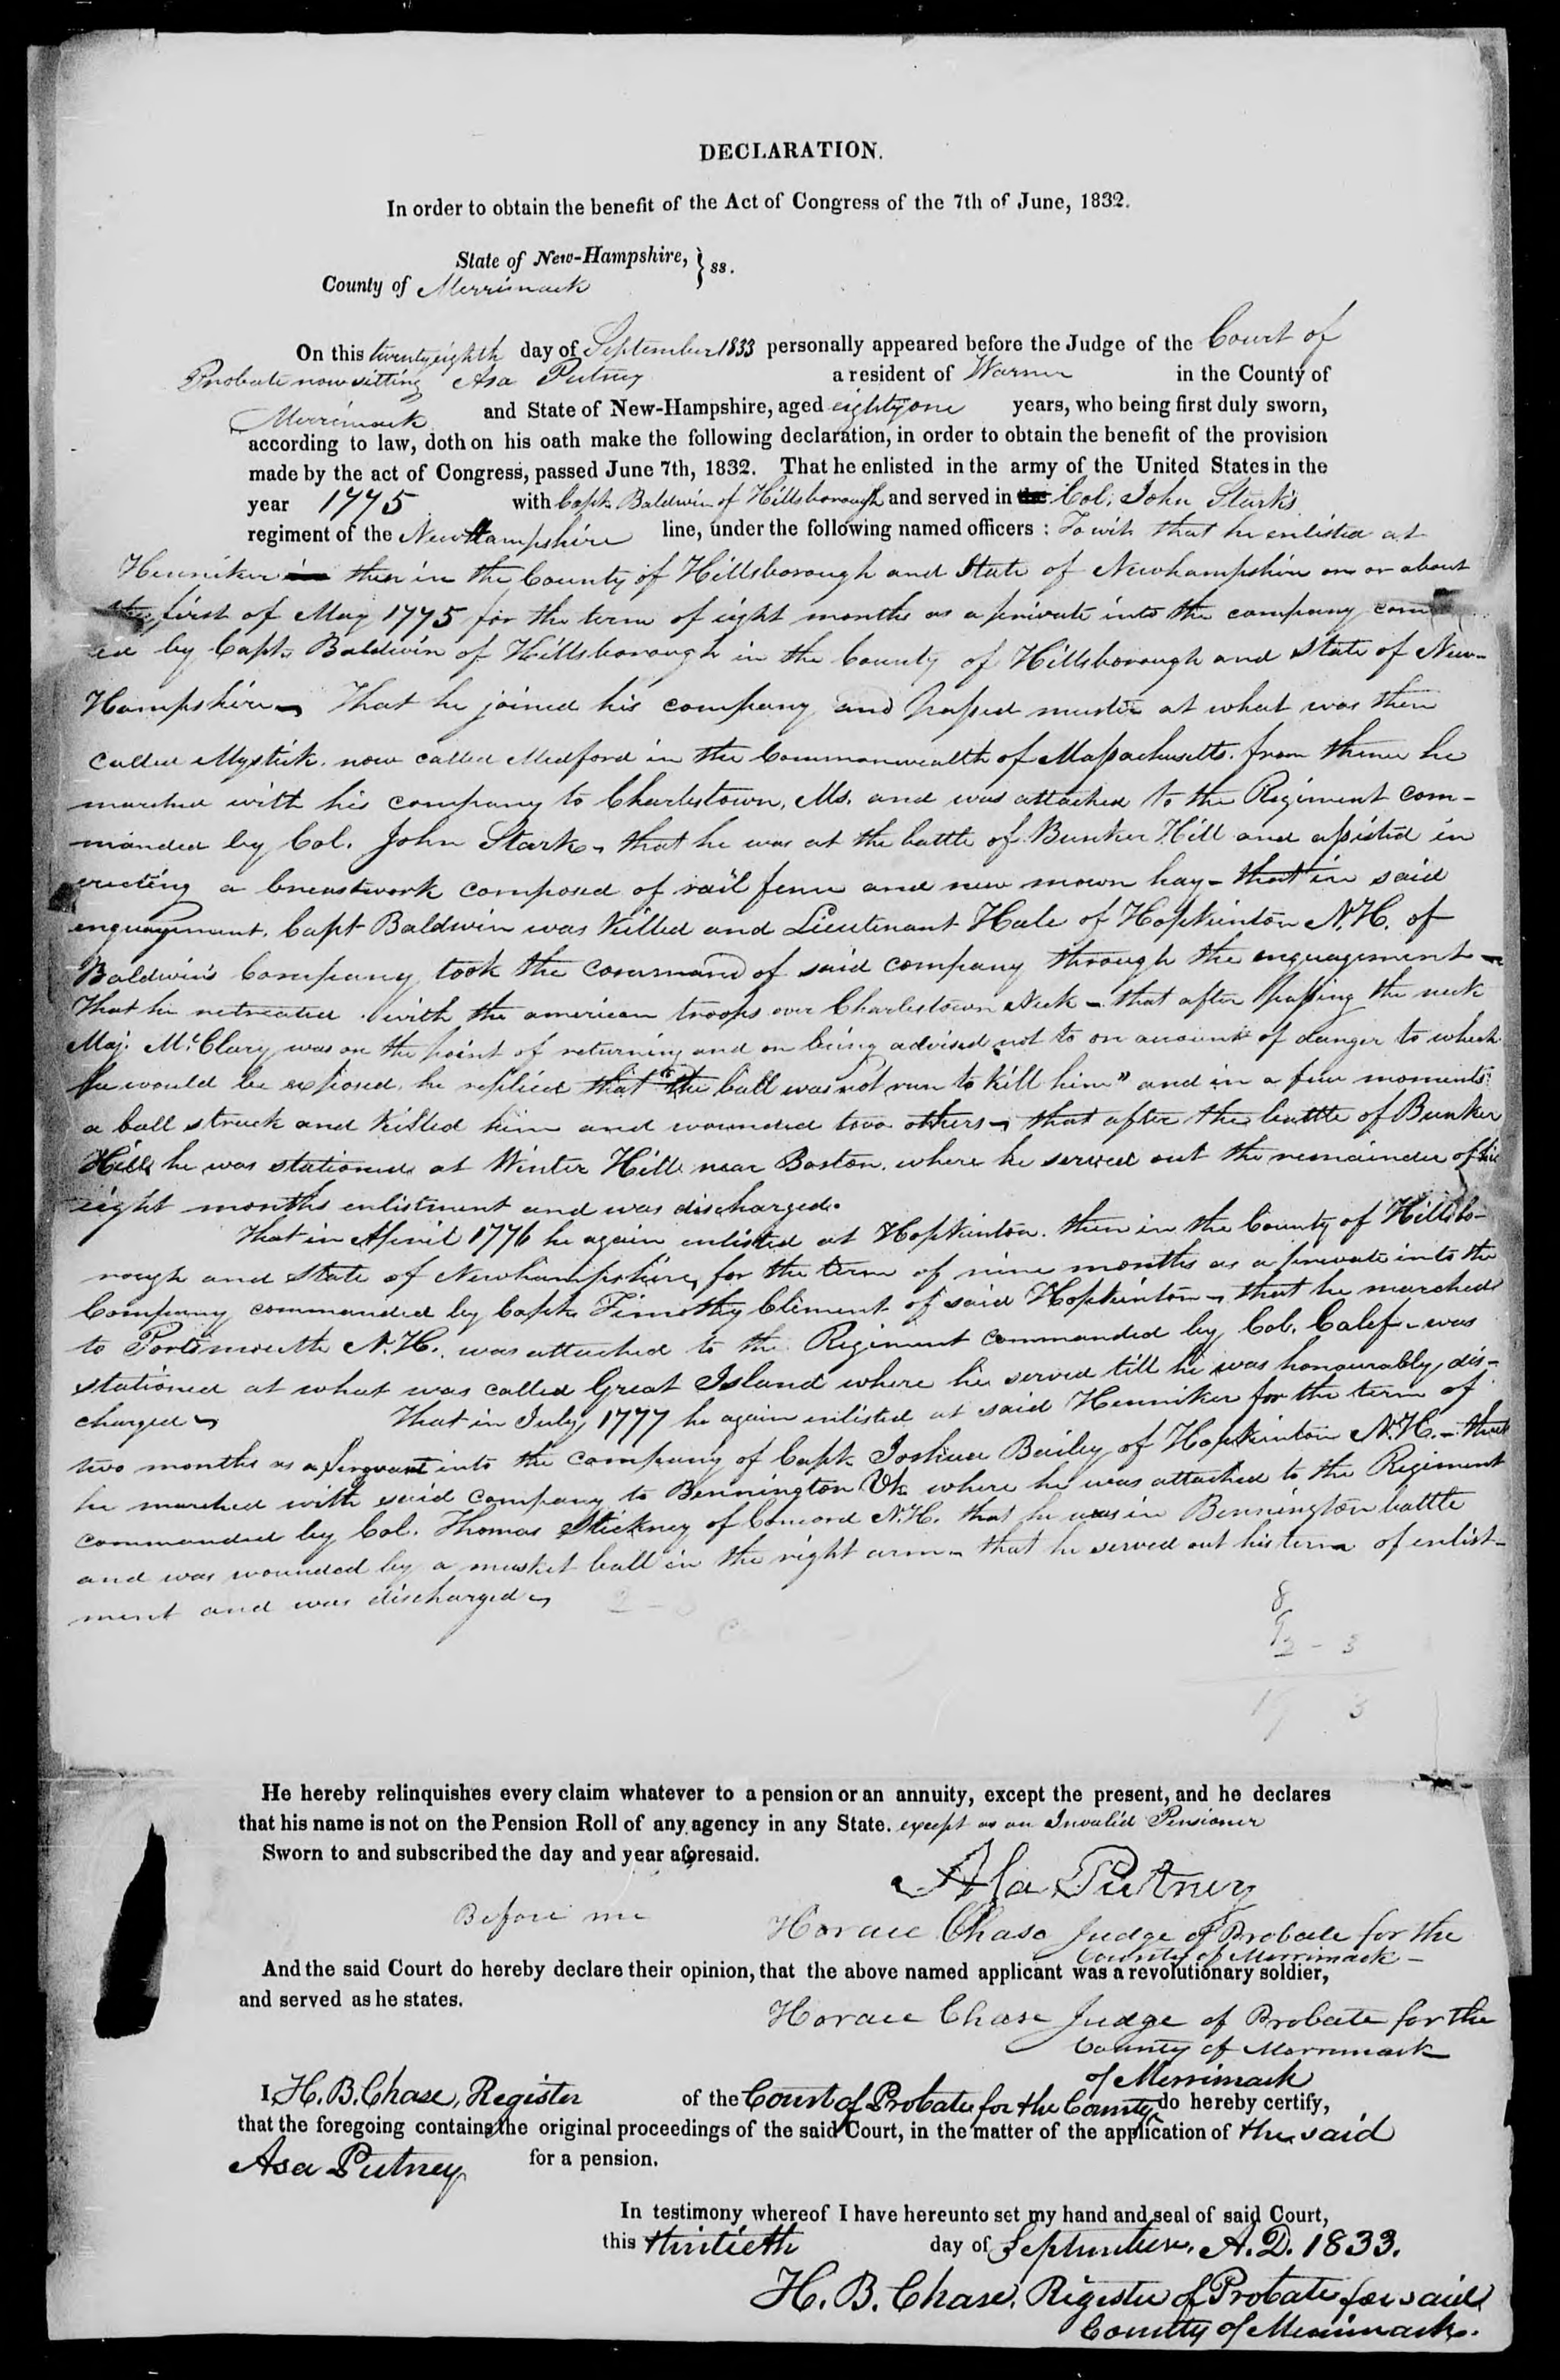DECLARATION.
In order to obtain the benefit of the Act of Congress of the 7th of June, 1832.

State of New-Hampshire, )
County of Merrimack       ) ss.

On this twenty eighth day of September 1833 personally appeared before the Judge of the Court of Probate now sitting Asa Putney a resident of Warner in the County of Merrimack and State of New-Hampshire, aged eighty one years, who being first duly sworn, according to law, doth on his oath make the following declaration, in order to obtain the benefit of the provision made by the act of Congress, passed June 7th, 1832.  That he enlisted in the army of the United States in the year 1775 with Capt. Baldwin of Hillsborough and served in ["the" stricken out] Col. John Stark's regiment of the New Hampshire line, under the following named officers:  To wit  that he enlisted at Henniker then in the County of Hillsborough and State of Newhampshire on or about the first of May 1775 for the term of eight months as a private into the company commanded by Capt. Baldwin of Hillsborough in the County of Hillsborough and State of New Hampshire--That he joined his company and pafsed muster at what was then called Mystik now called Medford in the Commonwealth of Mafsachusetts from thence he marched with his company to Charlestown Ms. and was attached to the Regiment commanded by Col. John Stark--that he was at the battle of Bunker Hill and afsisted in erecting a breastwork composed of rail fence and new mown hay--that in said engagement, Capt Baldwin was killed and Lieutenant Hale of Hopkinton N.H. of Baldwin's Company took the command of said company through the engagement--That he retreated with the american troops over Charlestown atack--that after pafsing the week Maj. McClary was on the point of returning and on being advised not to on account of danger to which he would be exposed, he replied that "this bull was not run to kill him" and in a few moments a ball struck and killed him and wounded two others--that after the battle of Bunker Hill, he was stationed at Winter Hill near Boston, where he served out the remainder of his eight months enlistment and was discharged.

That in April 1776 he again enlisted at Hopkinton, then in the County of Hillsborough and State of Newhampshire, for the term of nine months as a private into the Company commanded by Capt. Timothy Clement of said Hopkinton--that he marched to Portsmouth N.H. was attached to the Regiment commanded by Col. Calef--was stationed at what was called Great Island where he served till he was honourably discharged--

That in July 1777 he again enlisted at said Henniker for the term of two months as a Sergeant into the company of Capt. Joshua Bailey of Hopkinton N.H.--that he marched with said company to Bennington Vt. where he was attached to the Regiment commanded by Col. Thomas Stickney of Concord N.H. that he was in Bennington battle and was wounded by a musket ball in the right arm--that he served out his term of enlistment and was discharged--

He hereby relinquishes every claim whatever to a pension or an annuity, except the present, and he declares that his name is not on the Pension Roll of any agency in any State except as an Invalid Pensioner
Asa Putney

Sworn to and subscribed the day and year aforesaid.
Before me   Horace Chase  Judge of Probate for the County of Merrimack--

And the said Court do hereby declare their opinion, that the above named applicant was a revolutionary soldier, and served as he states.
Horace Chase  Judge of Probate for the County of Merrimack

I H.B. Chase, Register of the Court of Probate for the County of Merrimack do hereby certify, that the foregoing contains the original proceedings of the said Court, in the matter of the application of the said Asa Putney for a pension.

In testimony whereof I have hereunto set my hand and seal of said Court, this thirtieth day of September A.D. 1833.
H.B. Chase, Register of Probate for said County of Merrimack.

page: 6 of 14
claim: survivor's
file: S. 22943, for Asa Putney, New Hampshire